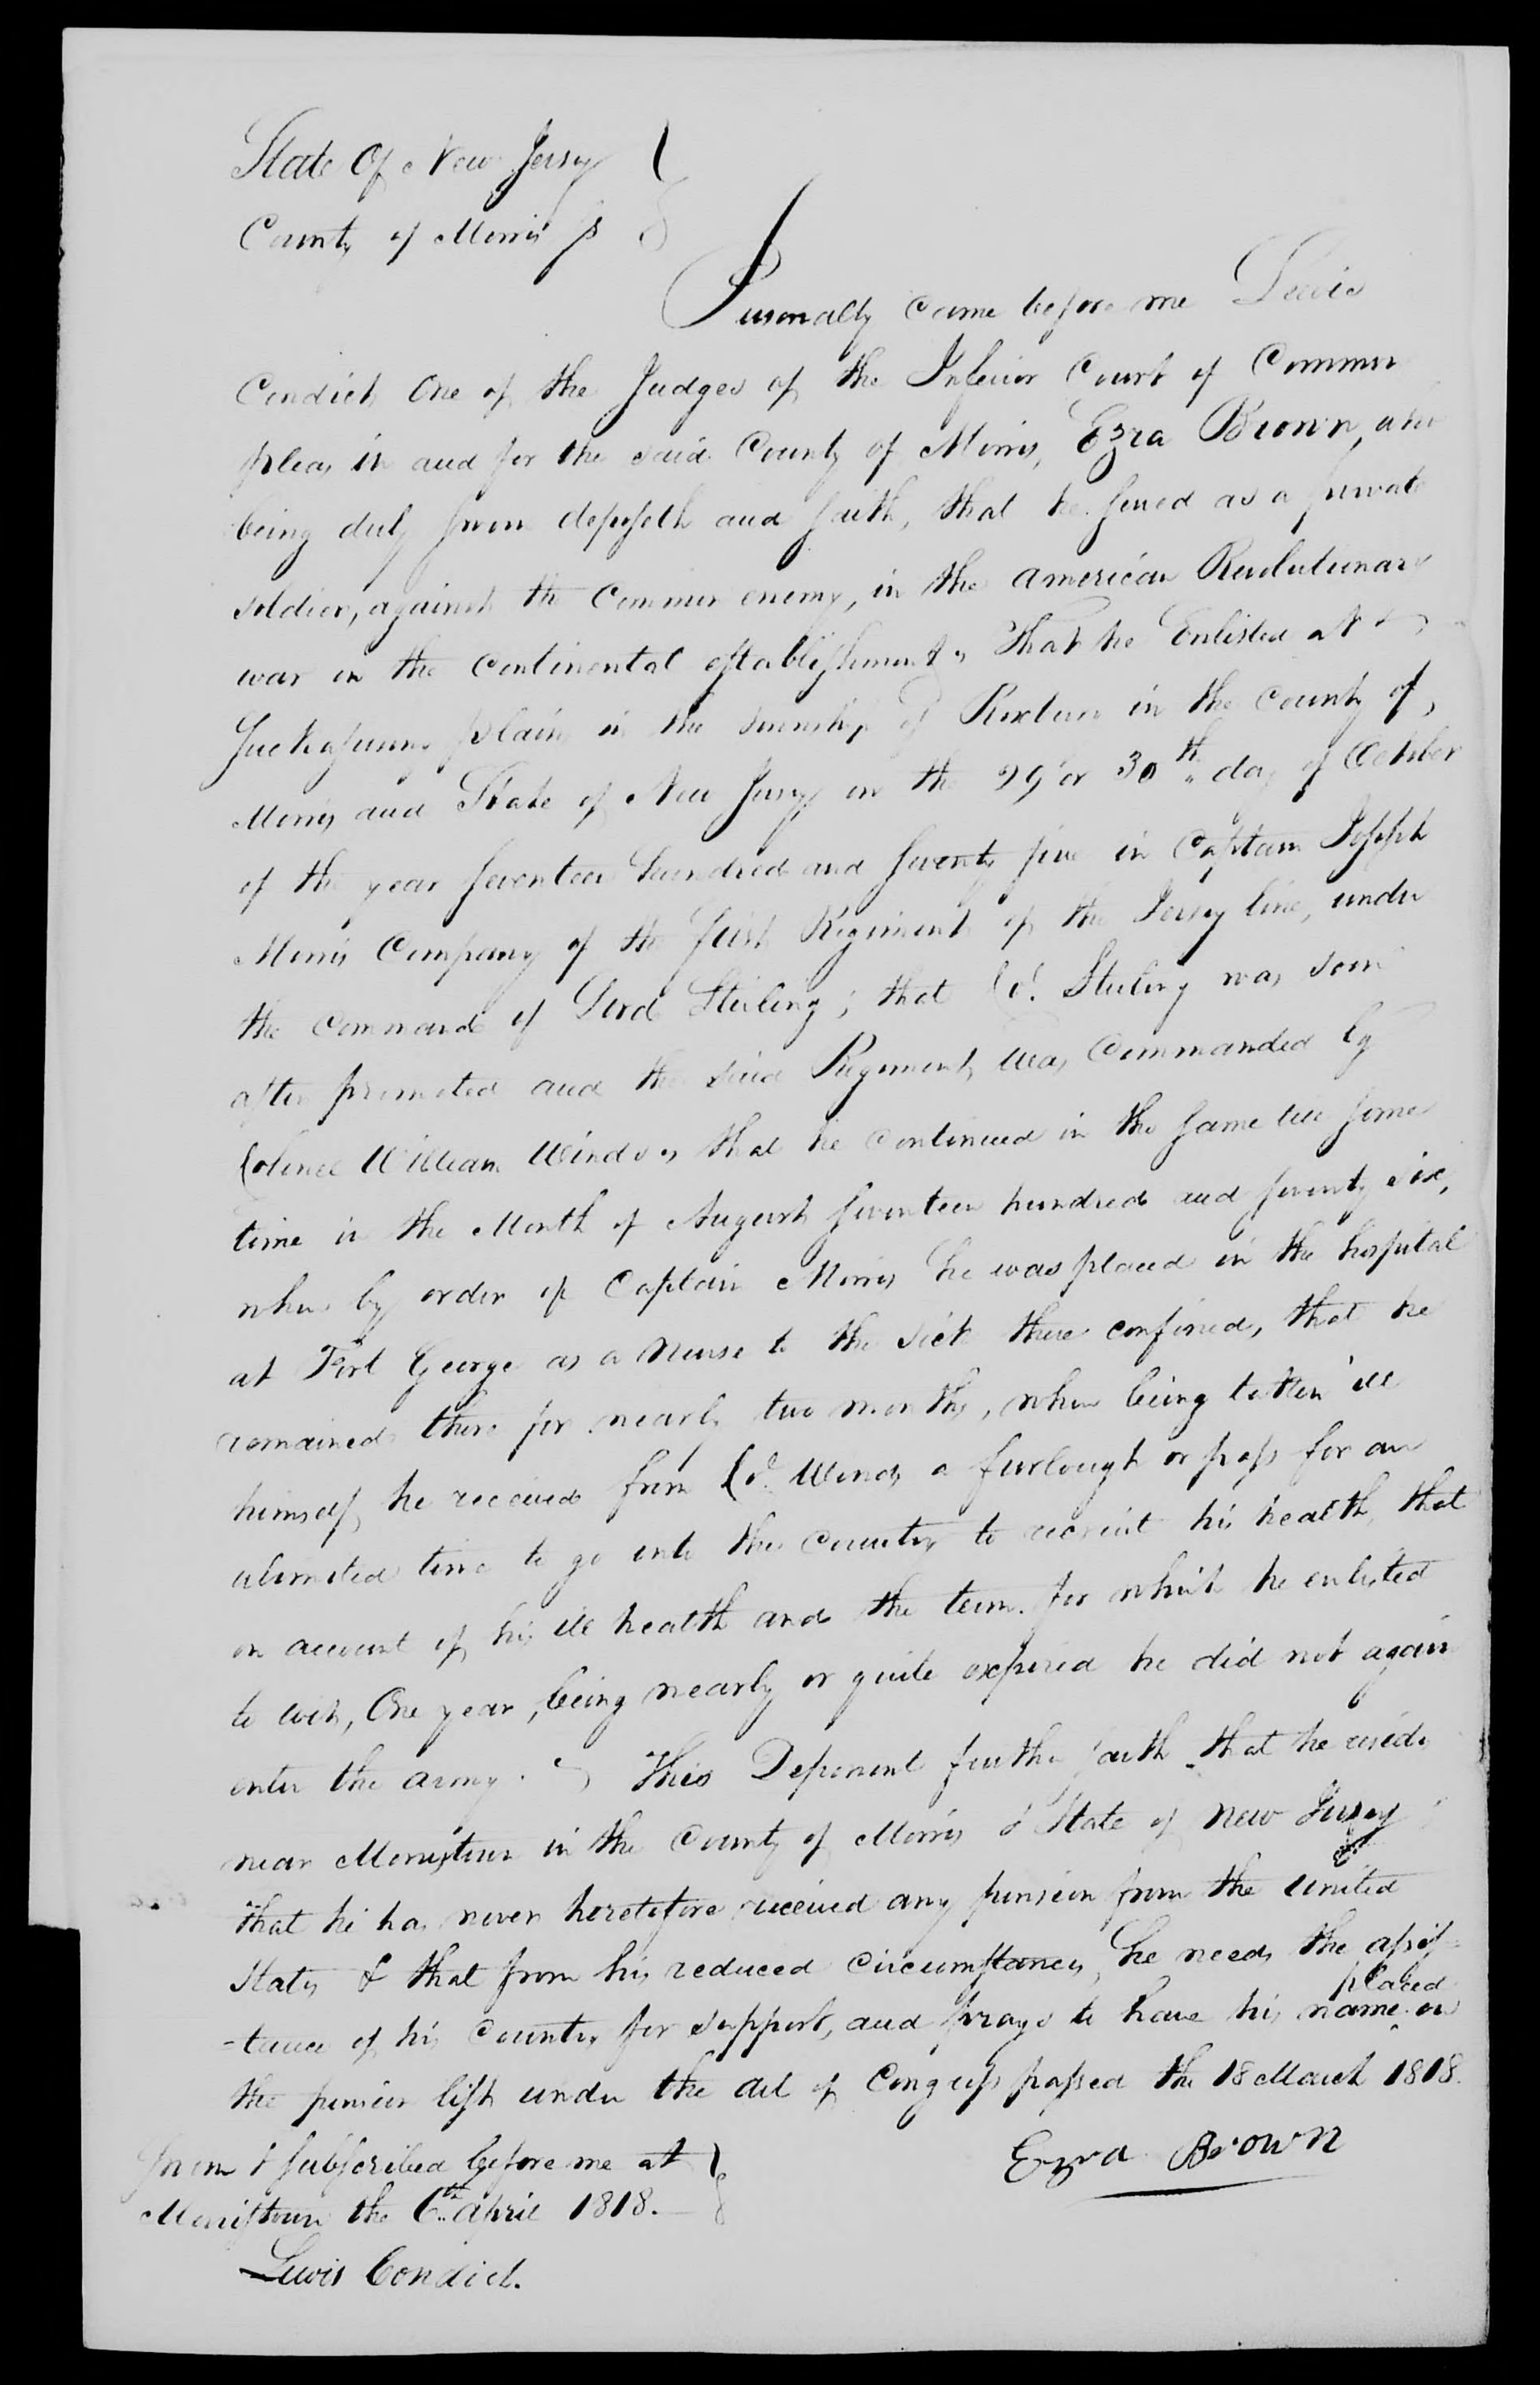State of New Jersey
County of Morris

Personally came to me Lewis Condict one of the Judges of the Inferior Court of Common pleas in and for the said County of Morris, Ezra Brown, after being duly sworn deposeth and saith, that he served as a private soldier, against the common enemy, in the American Revolutionary war in the Continental establishment, that he enlisted at Succasunna [?] plain in the township of Roxbury[?] in the county of Morris and State of New Jersey on the 29 or 30th day of October
of the year seventeen hundred and seventy five in Captain Joseph Morris company of the first Regiment of the Jersey line, under the
command of Lord Stirling, that Col Stirling was soon after promoted and the said Regiment was commanded by Colonel William Winds. that he continued in the same till some
time in the month of August seventeen hundred and seventy six, when by order of Captain Morris he was placed in the hospital at Fort George as a nurse to the sick there confined, that he remained there for nearly two months, when being taken ill himself he received from Col Winds a furlough or pass for an unlimited time to go into the country to recruit his health, that on account of his ill health and the term for which he enlisted
to wit, One year, being nearly or quite expired he did not again enter the army. This Deponent further saith that he resides near Morristown in the County of Morris & State of New Jersey that he has never heretofore received any pension from the United States & that from his reduced circumstances, he needs the assistance of his country for support, and pray to have his name placed on the pension list under the Act of Congress passed the 18 March 1818.

Sworn & subscribed before me at
Morristown the 6th April 1818.
Lewis Condict

Ezra Brown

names: Morris, Lewis Condict, Ezra Brown, Ezra Brown, William Winds, Wind, Lewis Condict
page: 4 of 27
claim: survivor's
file: S. 34,094, Ezra Brown, New Jersey